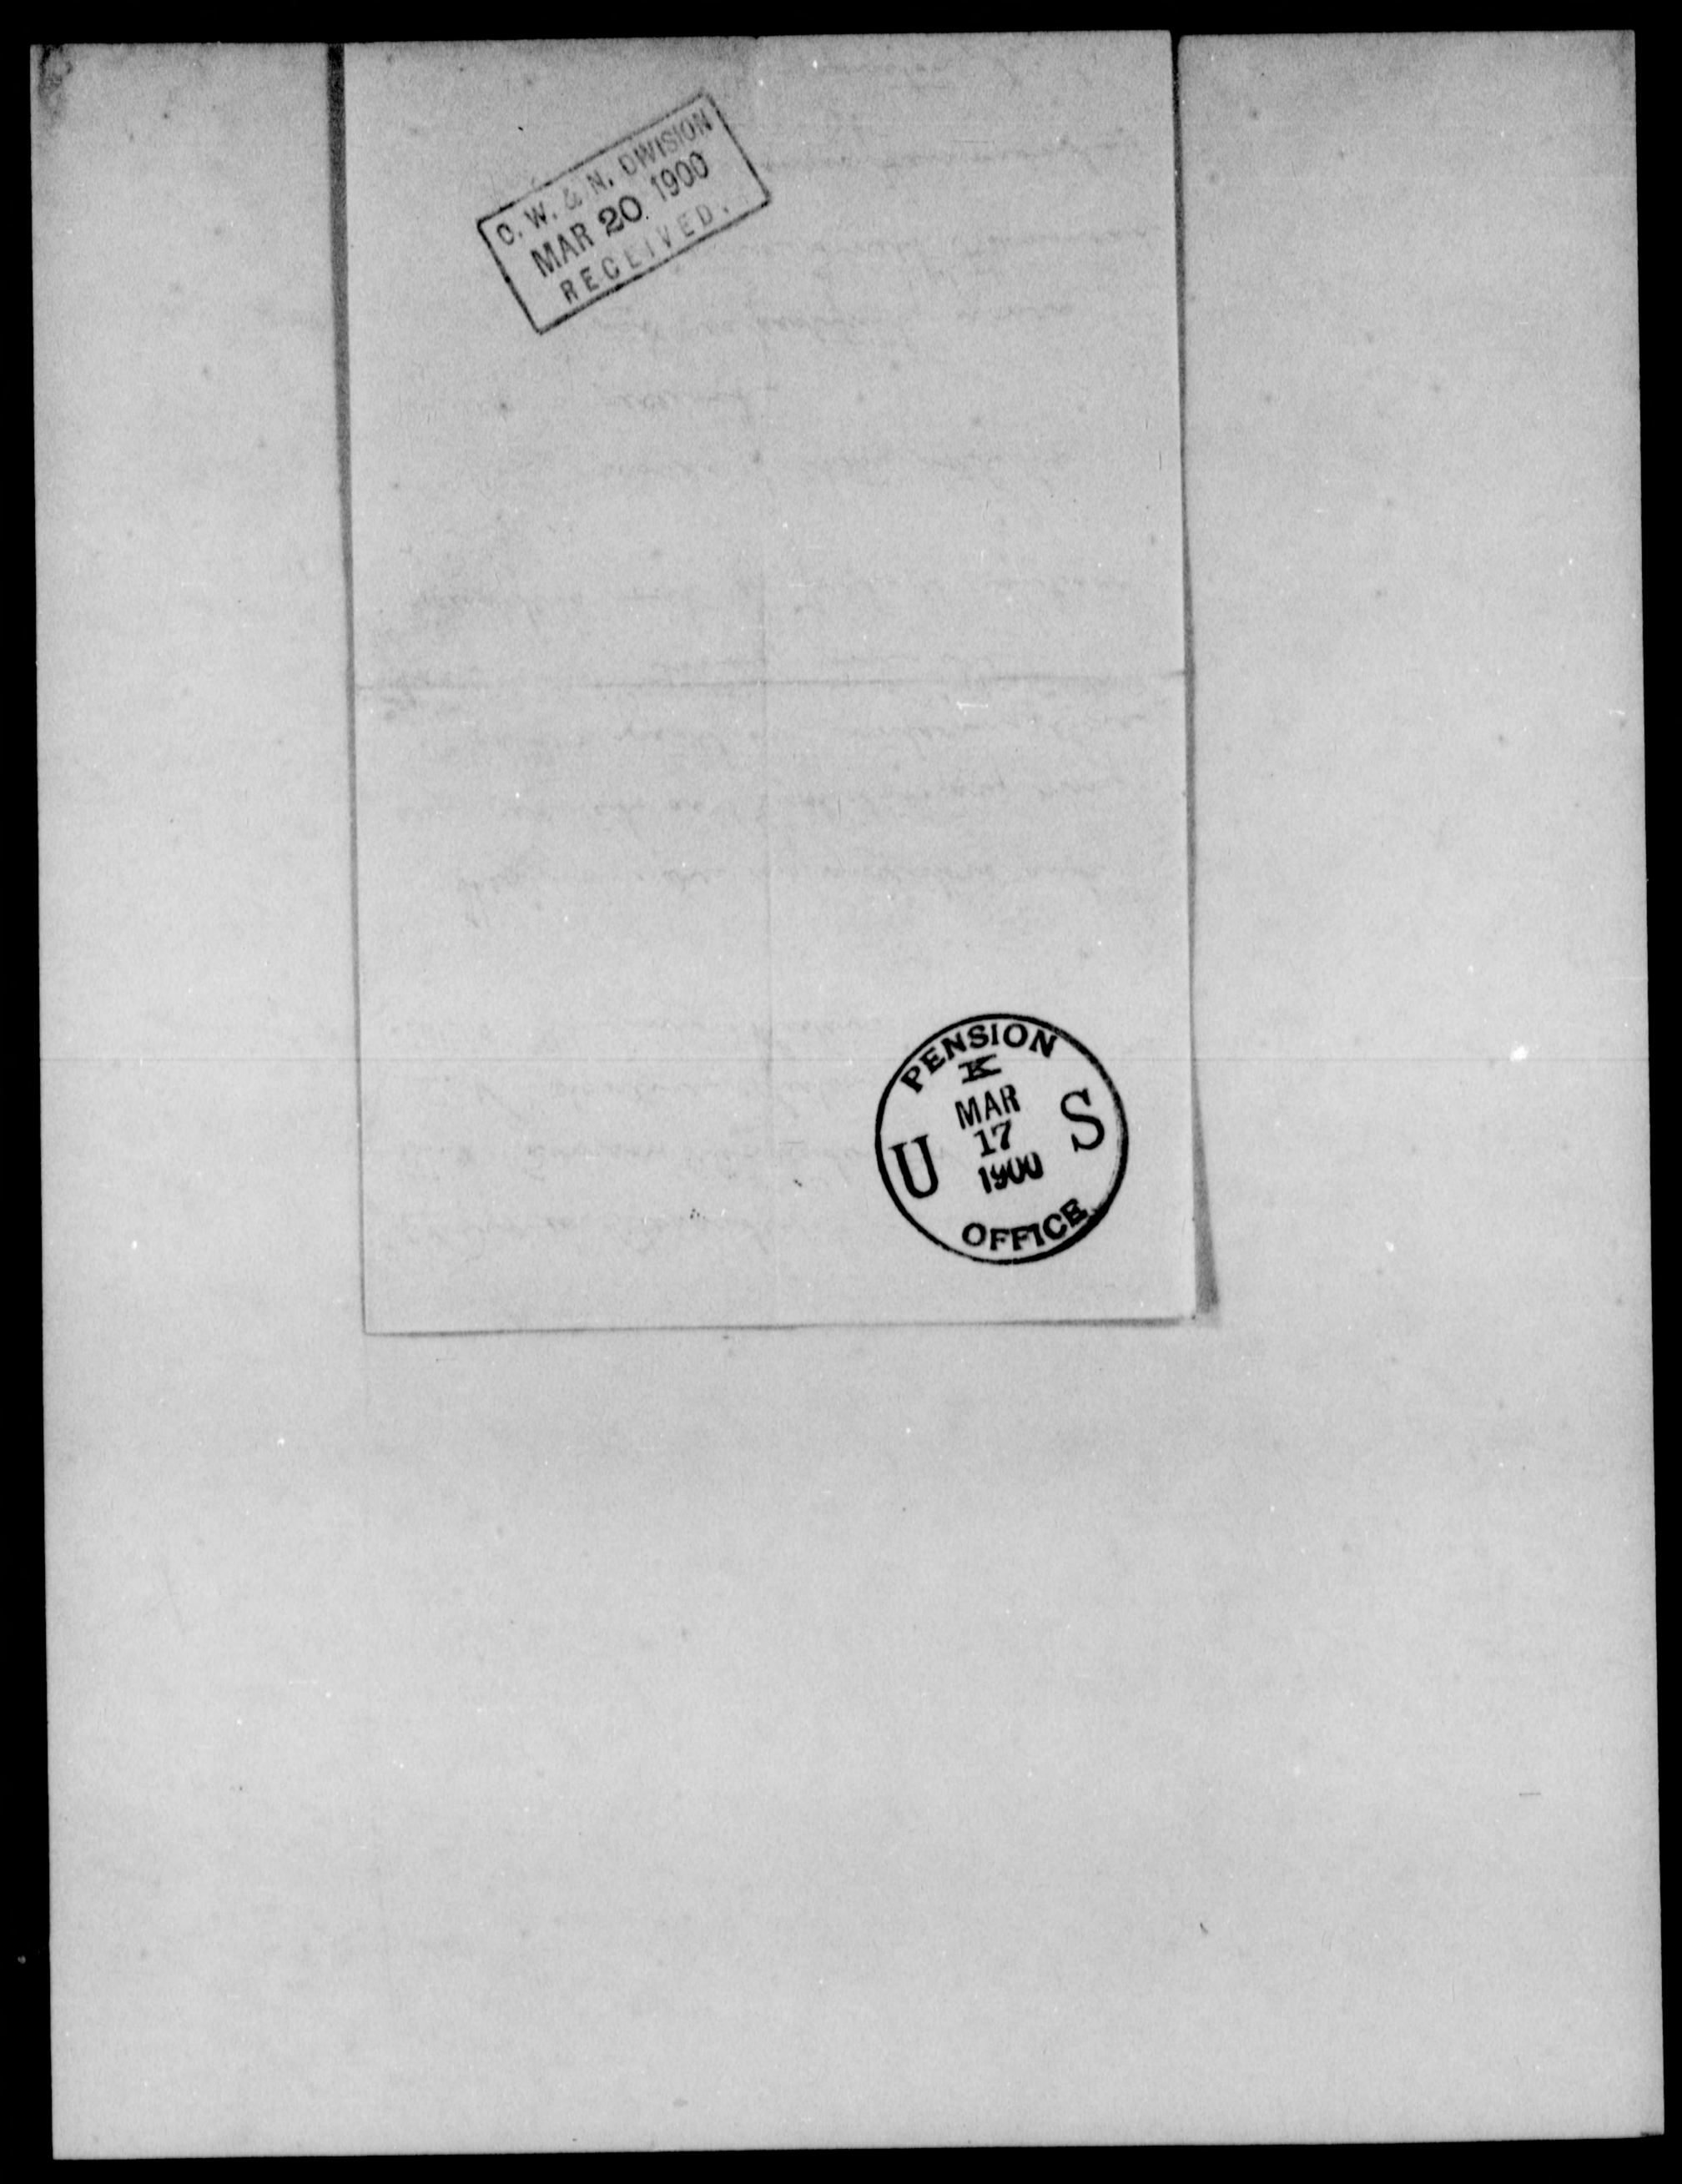Stamped-O. W. & N. Division
Mar 10 1900 Received

Stamped-U. S. Pension Office K Mar 17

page: 53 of 98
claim: widow's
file: W. 1682, Valentine Wheeler, Mass.